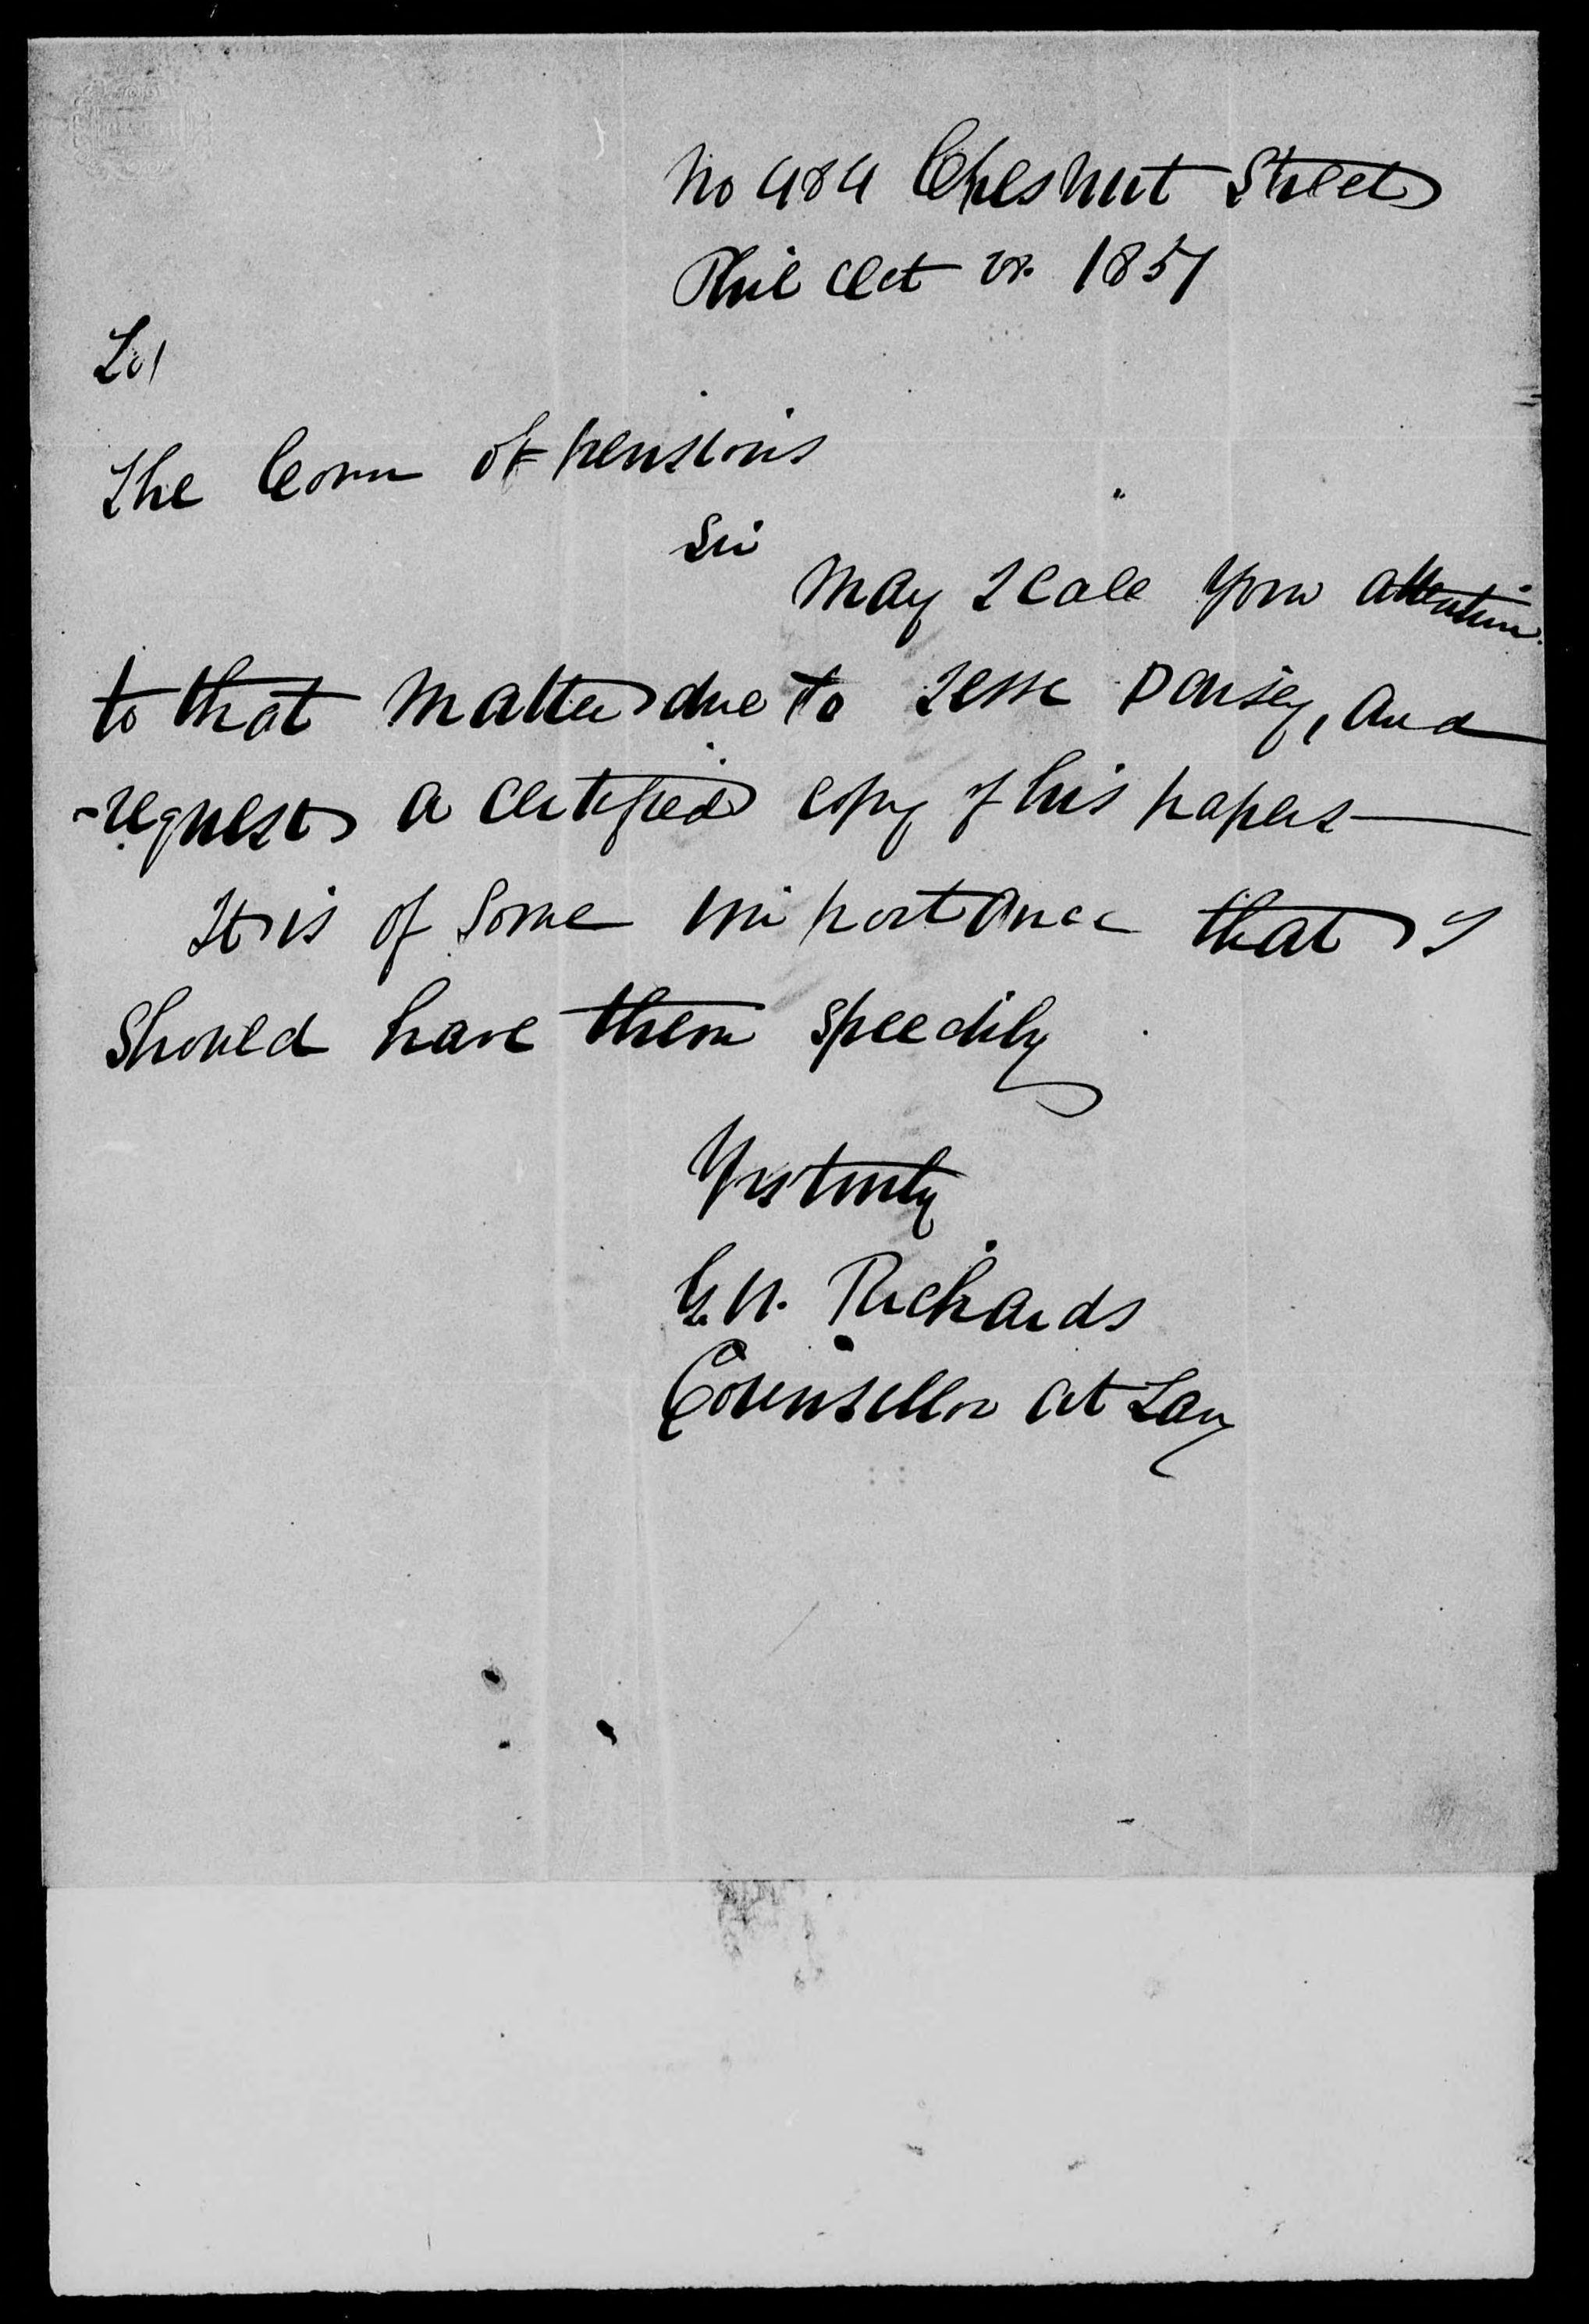No 484 Chestnut Street
Phil Oct 08. 1857
To/
The Comm of Pensions
Sir
May I call your attention to that matter due to Jesse Daizy, and request a certified copy of his papers. It is of some importance that I should have them speedily.
Humbly,
G. N. Richards
Commissioner at Law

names: G N Richards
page: 26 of 32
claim: rejected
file: R. 2795, Jesse Dazey, Del.